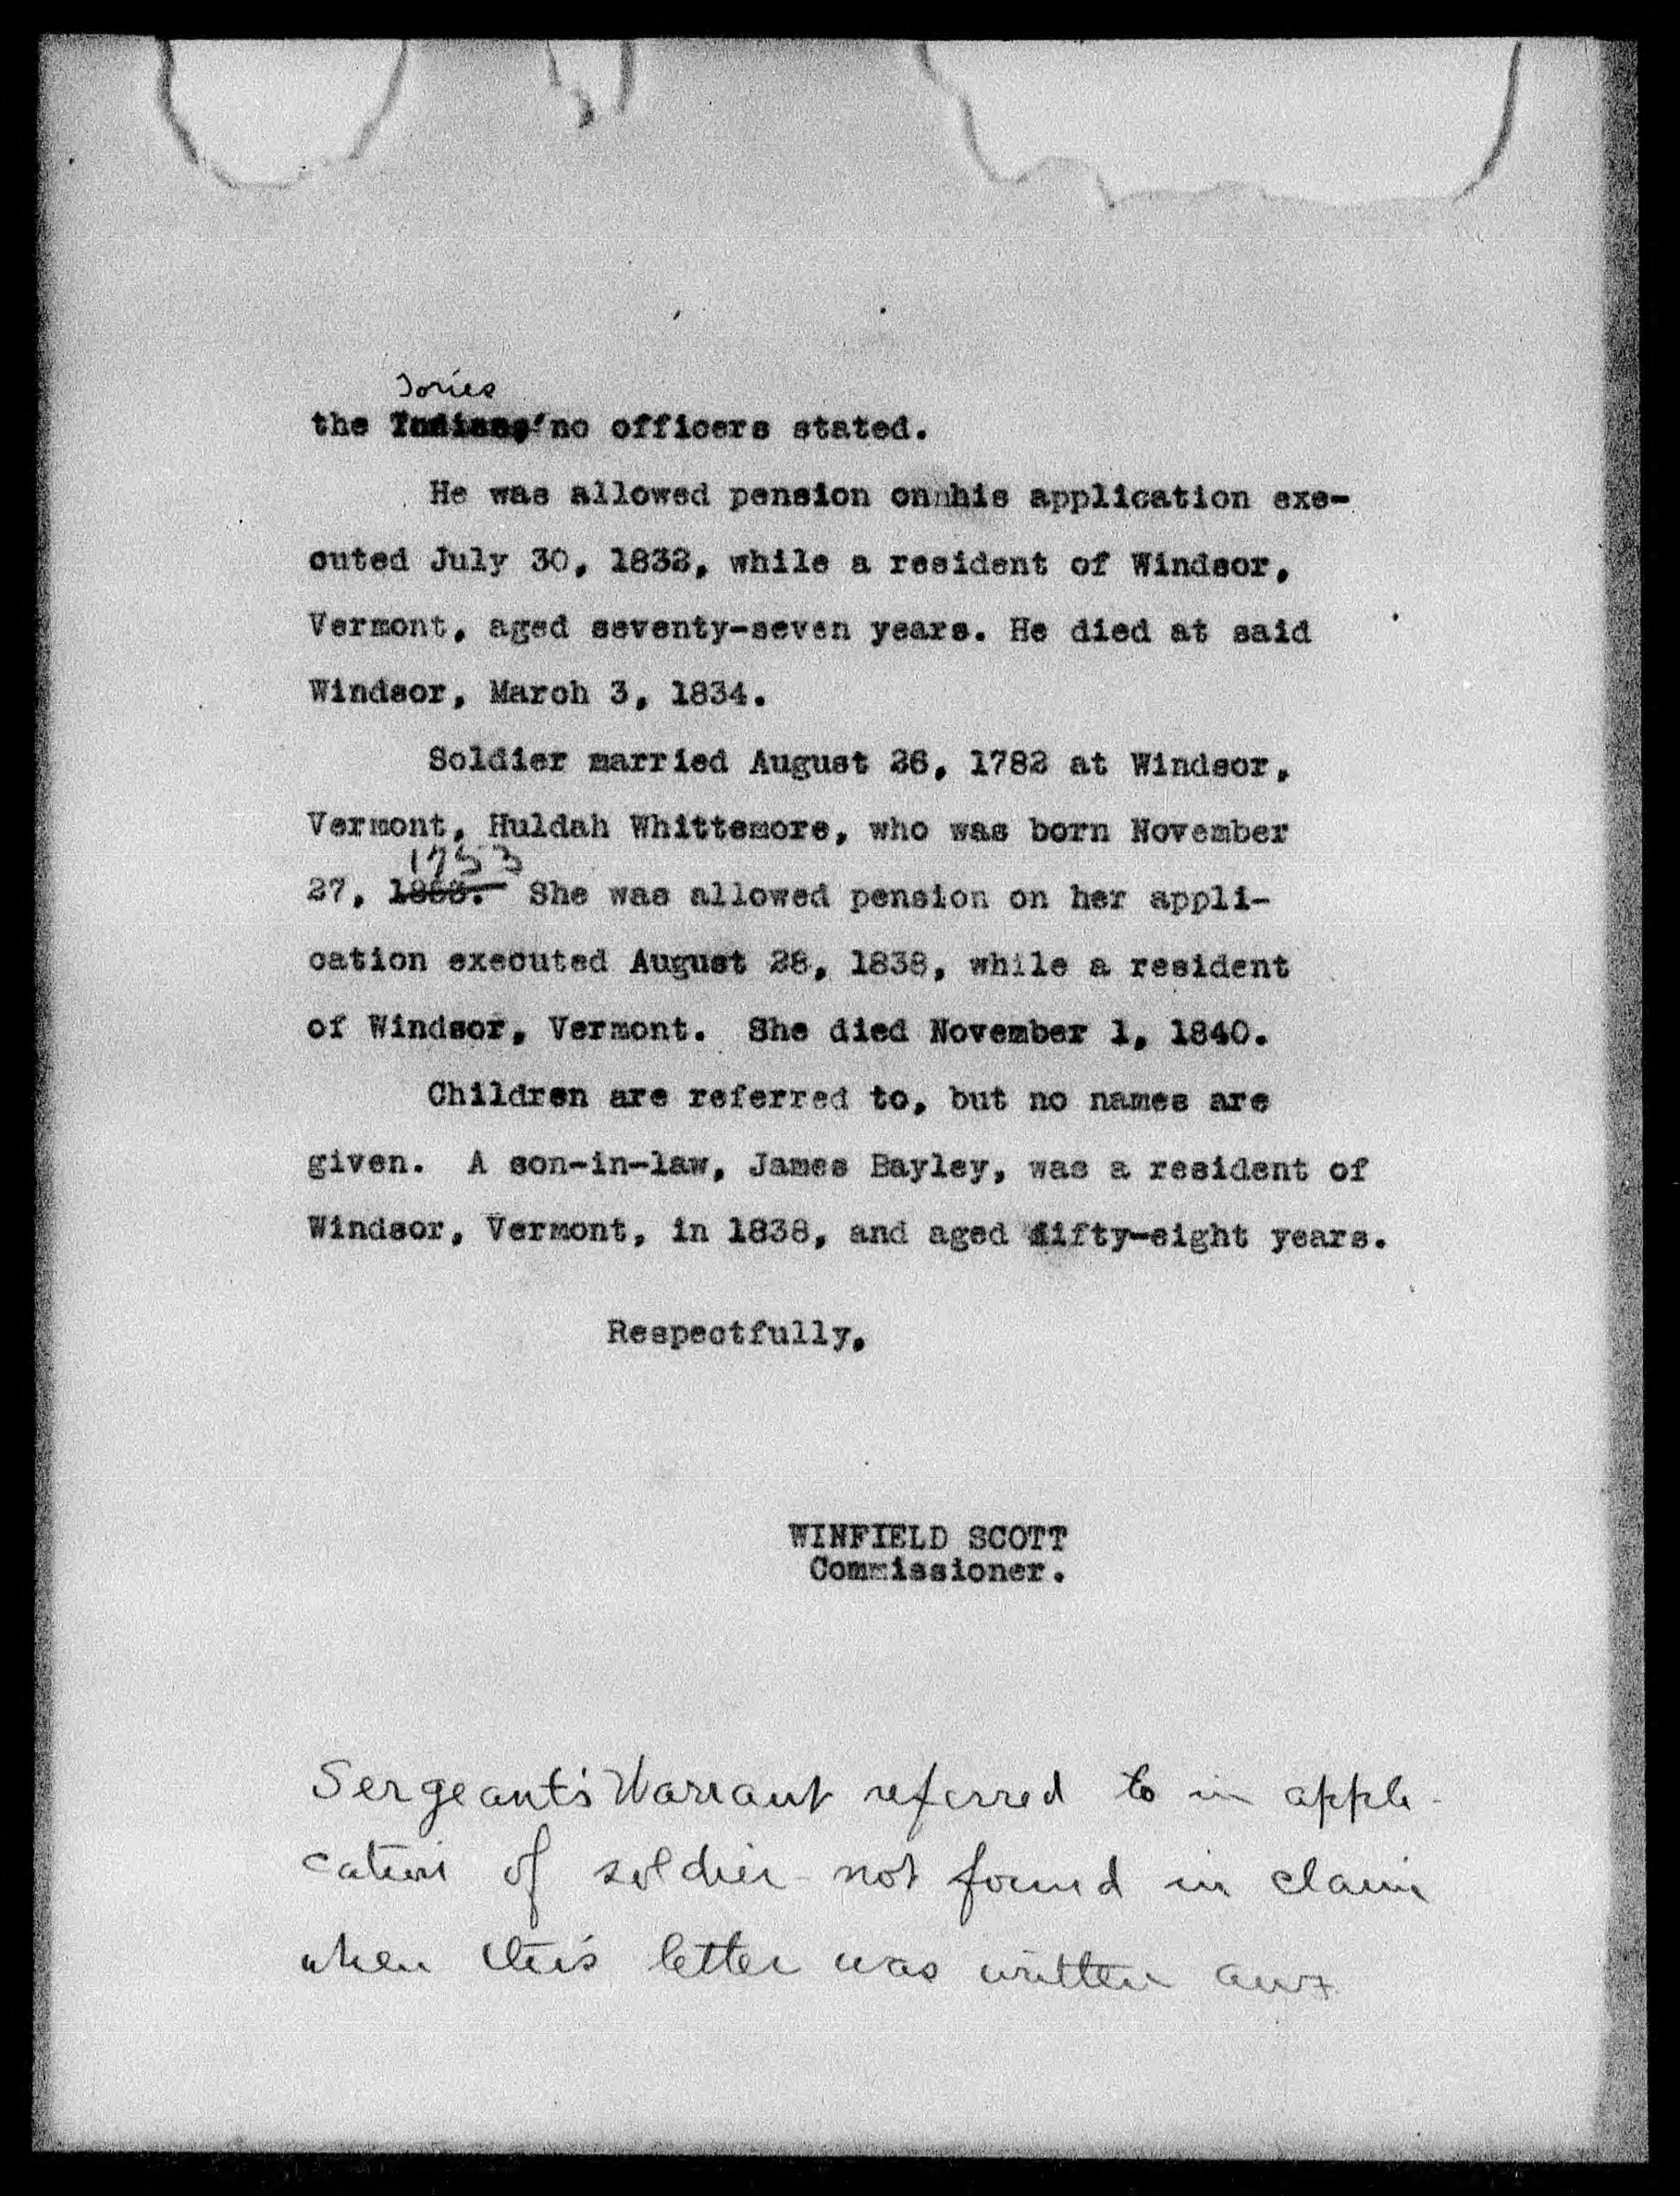the Tories officers stated.

He was allowed pension on his application executed July 30, 1832, while a resident of Windsor, Vermont, aged seventy-seven years.

Soldier married August 26, 1782 at Windsor, Vermont, Huldah Whittemore, who was born November 27, 1753.  She was allowed pension on her application executed August 28, 1838, while a resident of Windsor, Vermont.  She died November 1, 1840.

Children are referred to, but no names are given.  A son-in-law, James Bayley, was a resident of Windsor, Vermont, in 1838, and aged fifty-eight years.

WINFIELD SCOTT
Commissioner.

[handwritten note at bottom of letter]
Sergeant's Warrant referred to in application of soldier not found in claim when this letter was written     awf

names: Huldah Whittemore, Winfield Scott, James Bayley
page: 20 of 35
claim: widow's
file: W. 20,864, Calvin Chapin, Mass. Vt.